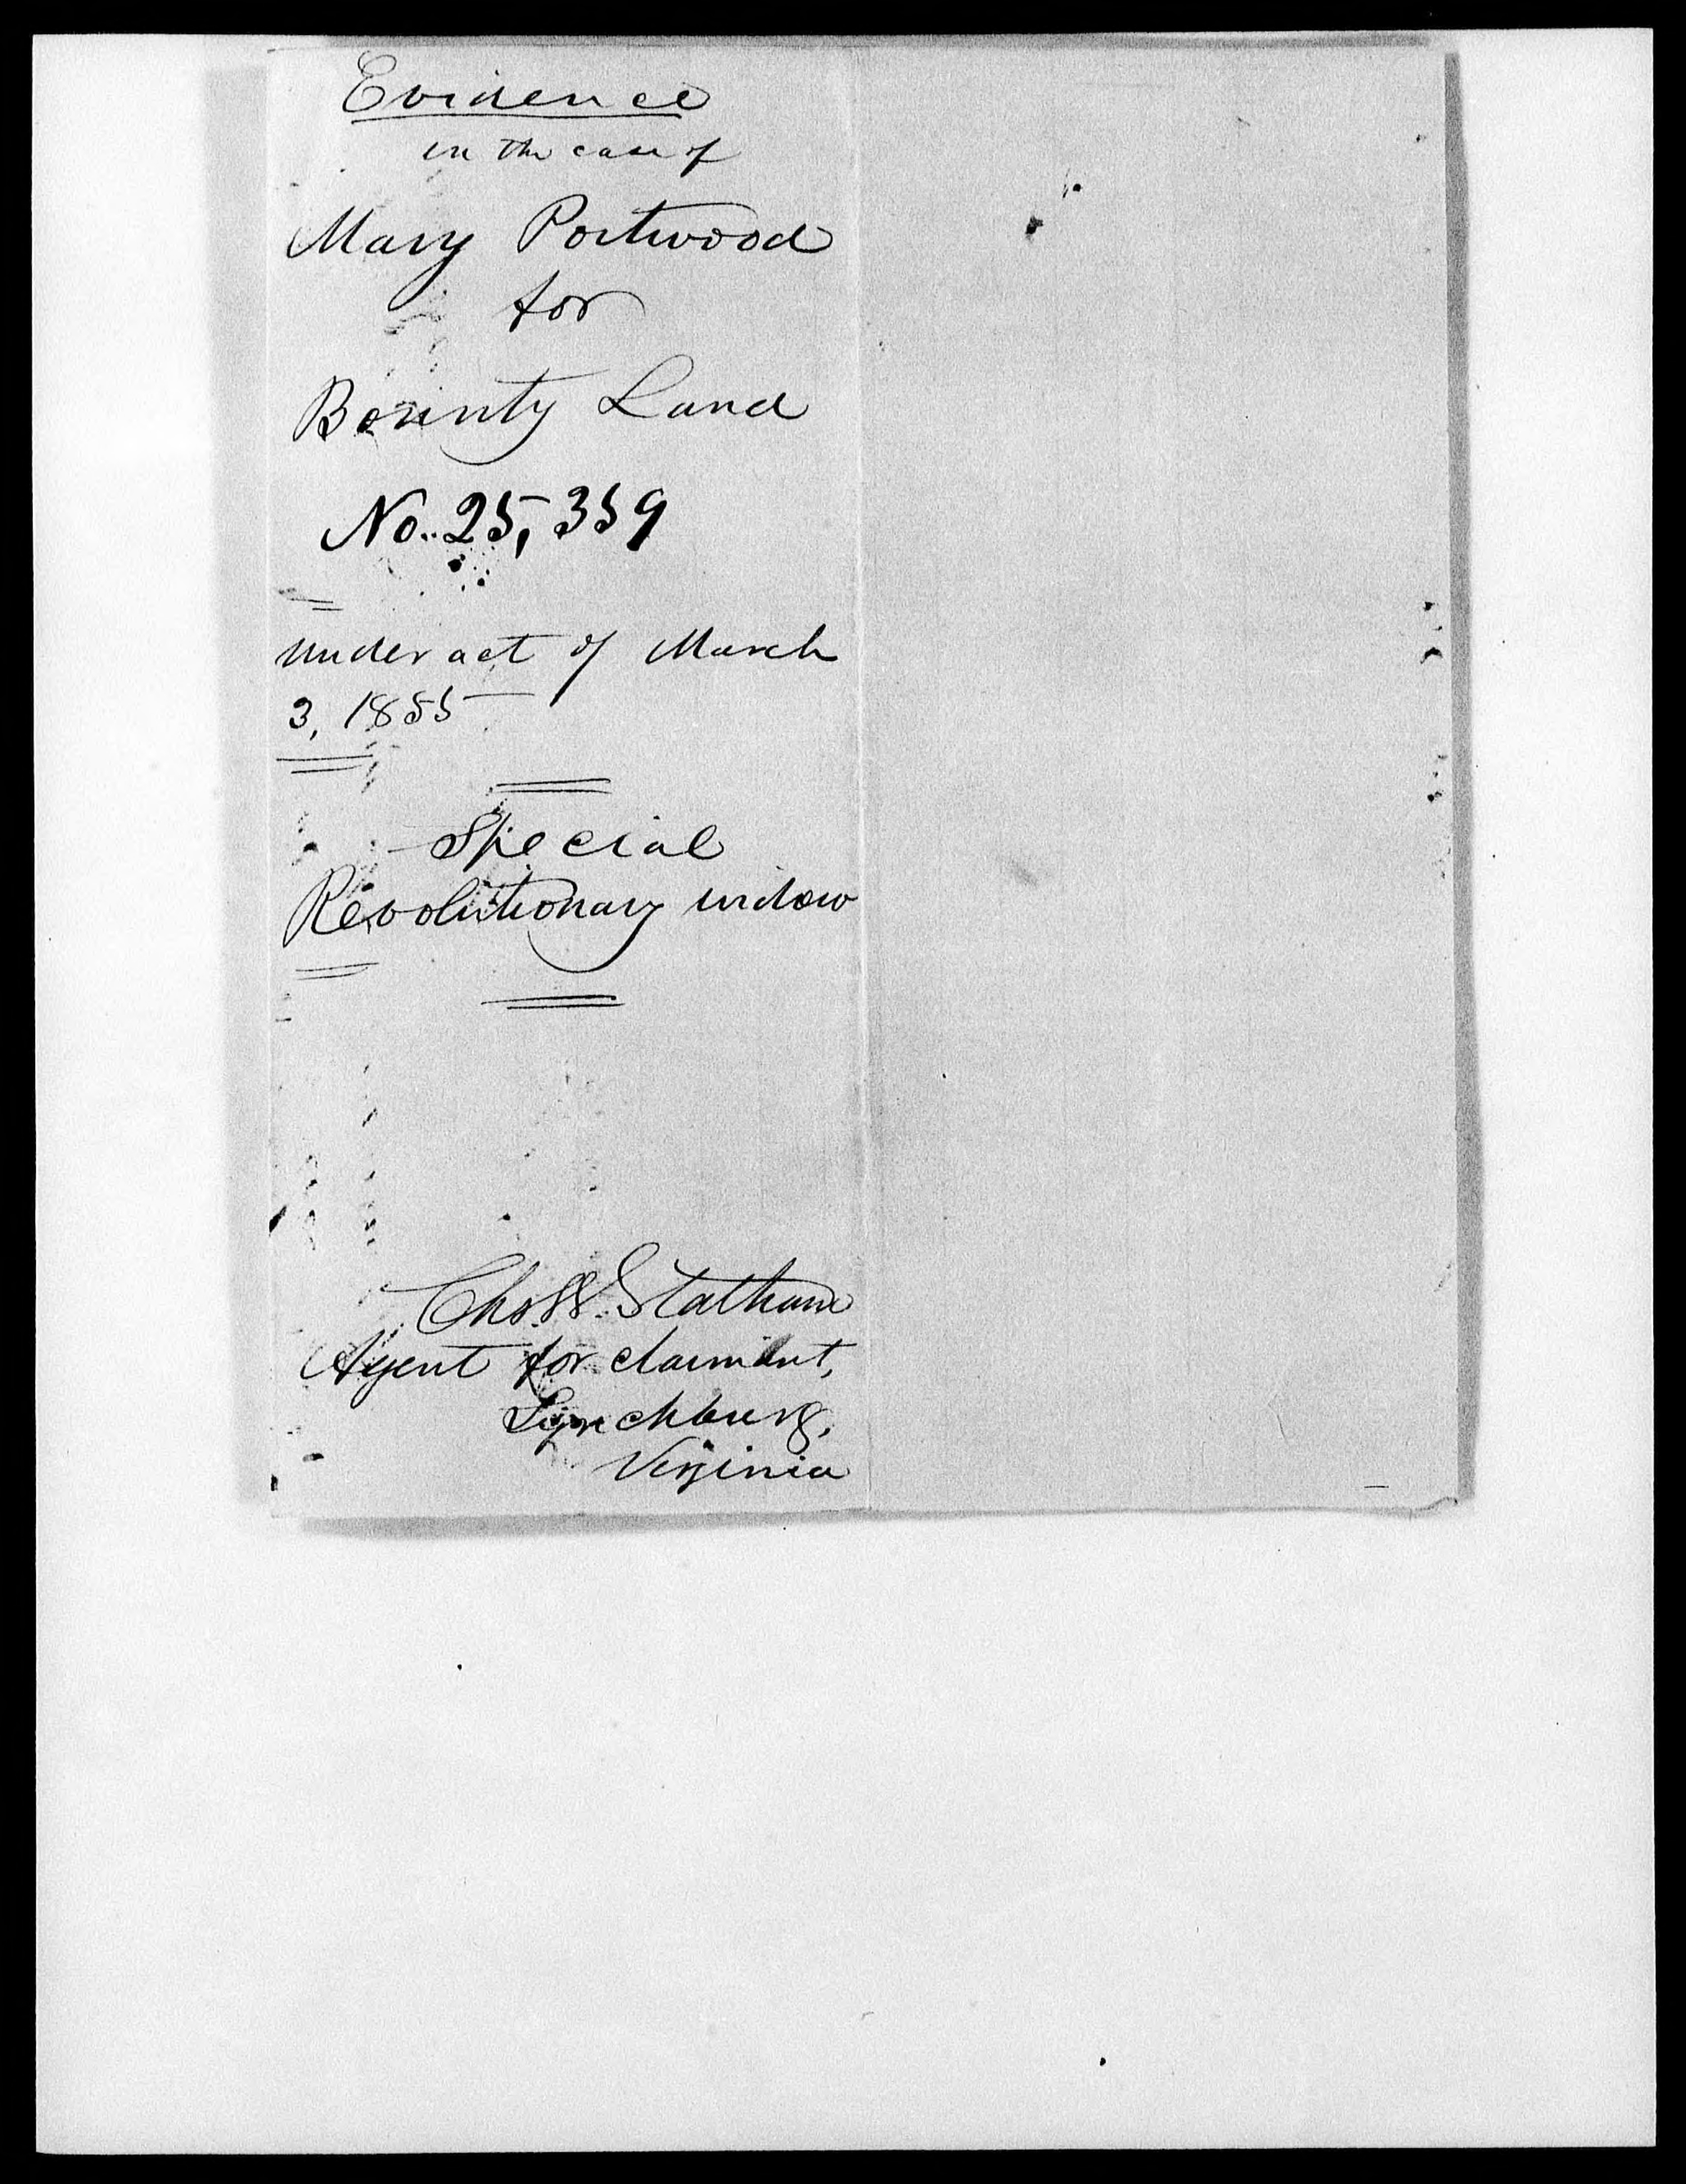Evidence
in the case of
Mary Portwood
for
Bounty Land
No. 25, 359
---
under act of March
3, 1855
---
Special
Revolutionary widow
---
Chs W. Statham
Agent for claimant,
Lynchburg,
Virginia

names: Chs W Statham; Mary Portwood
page: 35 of 50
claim: widow's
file: W. 1929, for Lloyd Portwood, Virginia